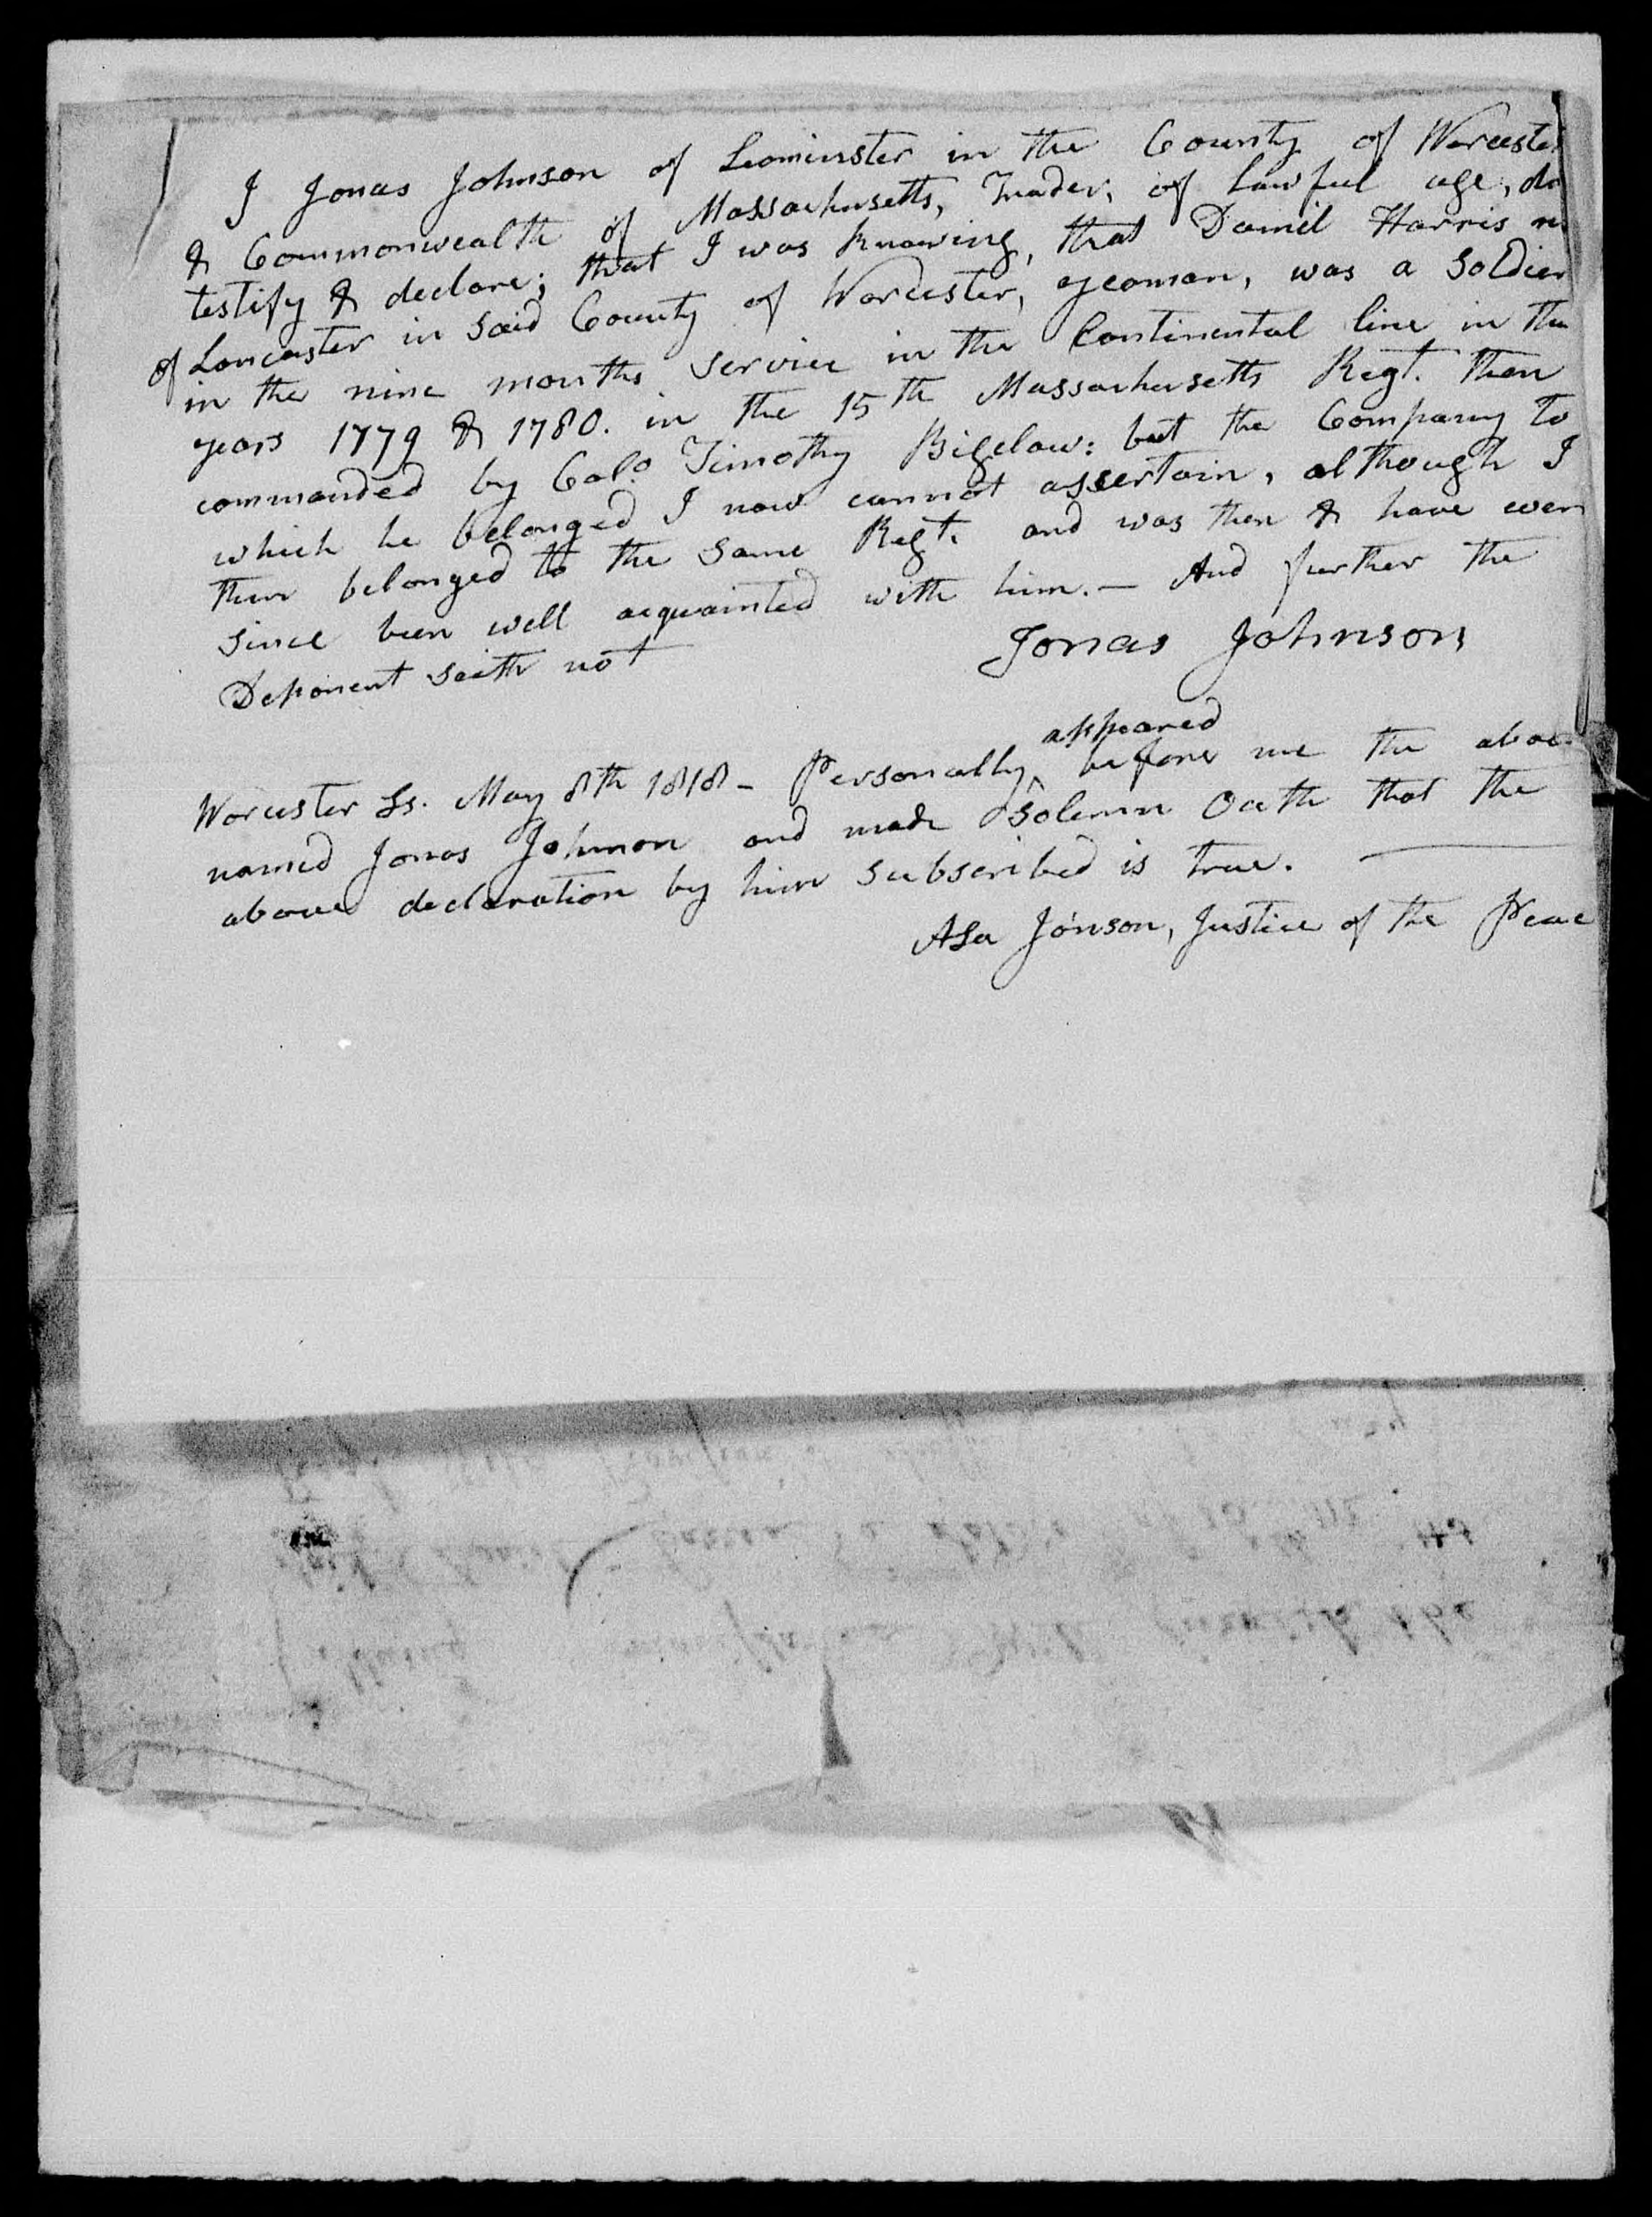I James Johnson of Leominster in the County of Worcester & Commonwealth of Massachusetts, Trader, of lawful age, doth testify & declaire  ;  that I was knowing, that Daniel Harris now of Lancaster in Said County of Worcester, yeoman, was a Soldier in the nine months Service in the Continental line in the years 1779 & 1780 in the 15th Massachusetts Regt. then commanded by Col. Timothy  Bigelow :  but the Company to which he belonged I not cannot ascertain, although I then belonged to the same Regt. and was then & have (?) since been well acquainted with him.  And further the Deponent saith not

Signature of Jonas Johnson

Worcester ss.  May 8th 1818 - Personally appeared before me to the above names Jonas Johnson and made solemn oath that the above declaration by him subscribed is true. 

Signature of Asa Jonson, Justice of the Peace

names: Asa Jonson, Jonas Johnson, Jonas Johnson, Jonas Johnson, Timothy Bigelow, Daniel Harris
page: 26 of 68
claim: survivor's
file: S. 29,877, Daniel Harris, Mass.